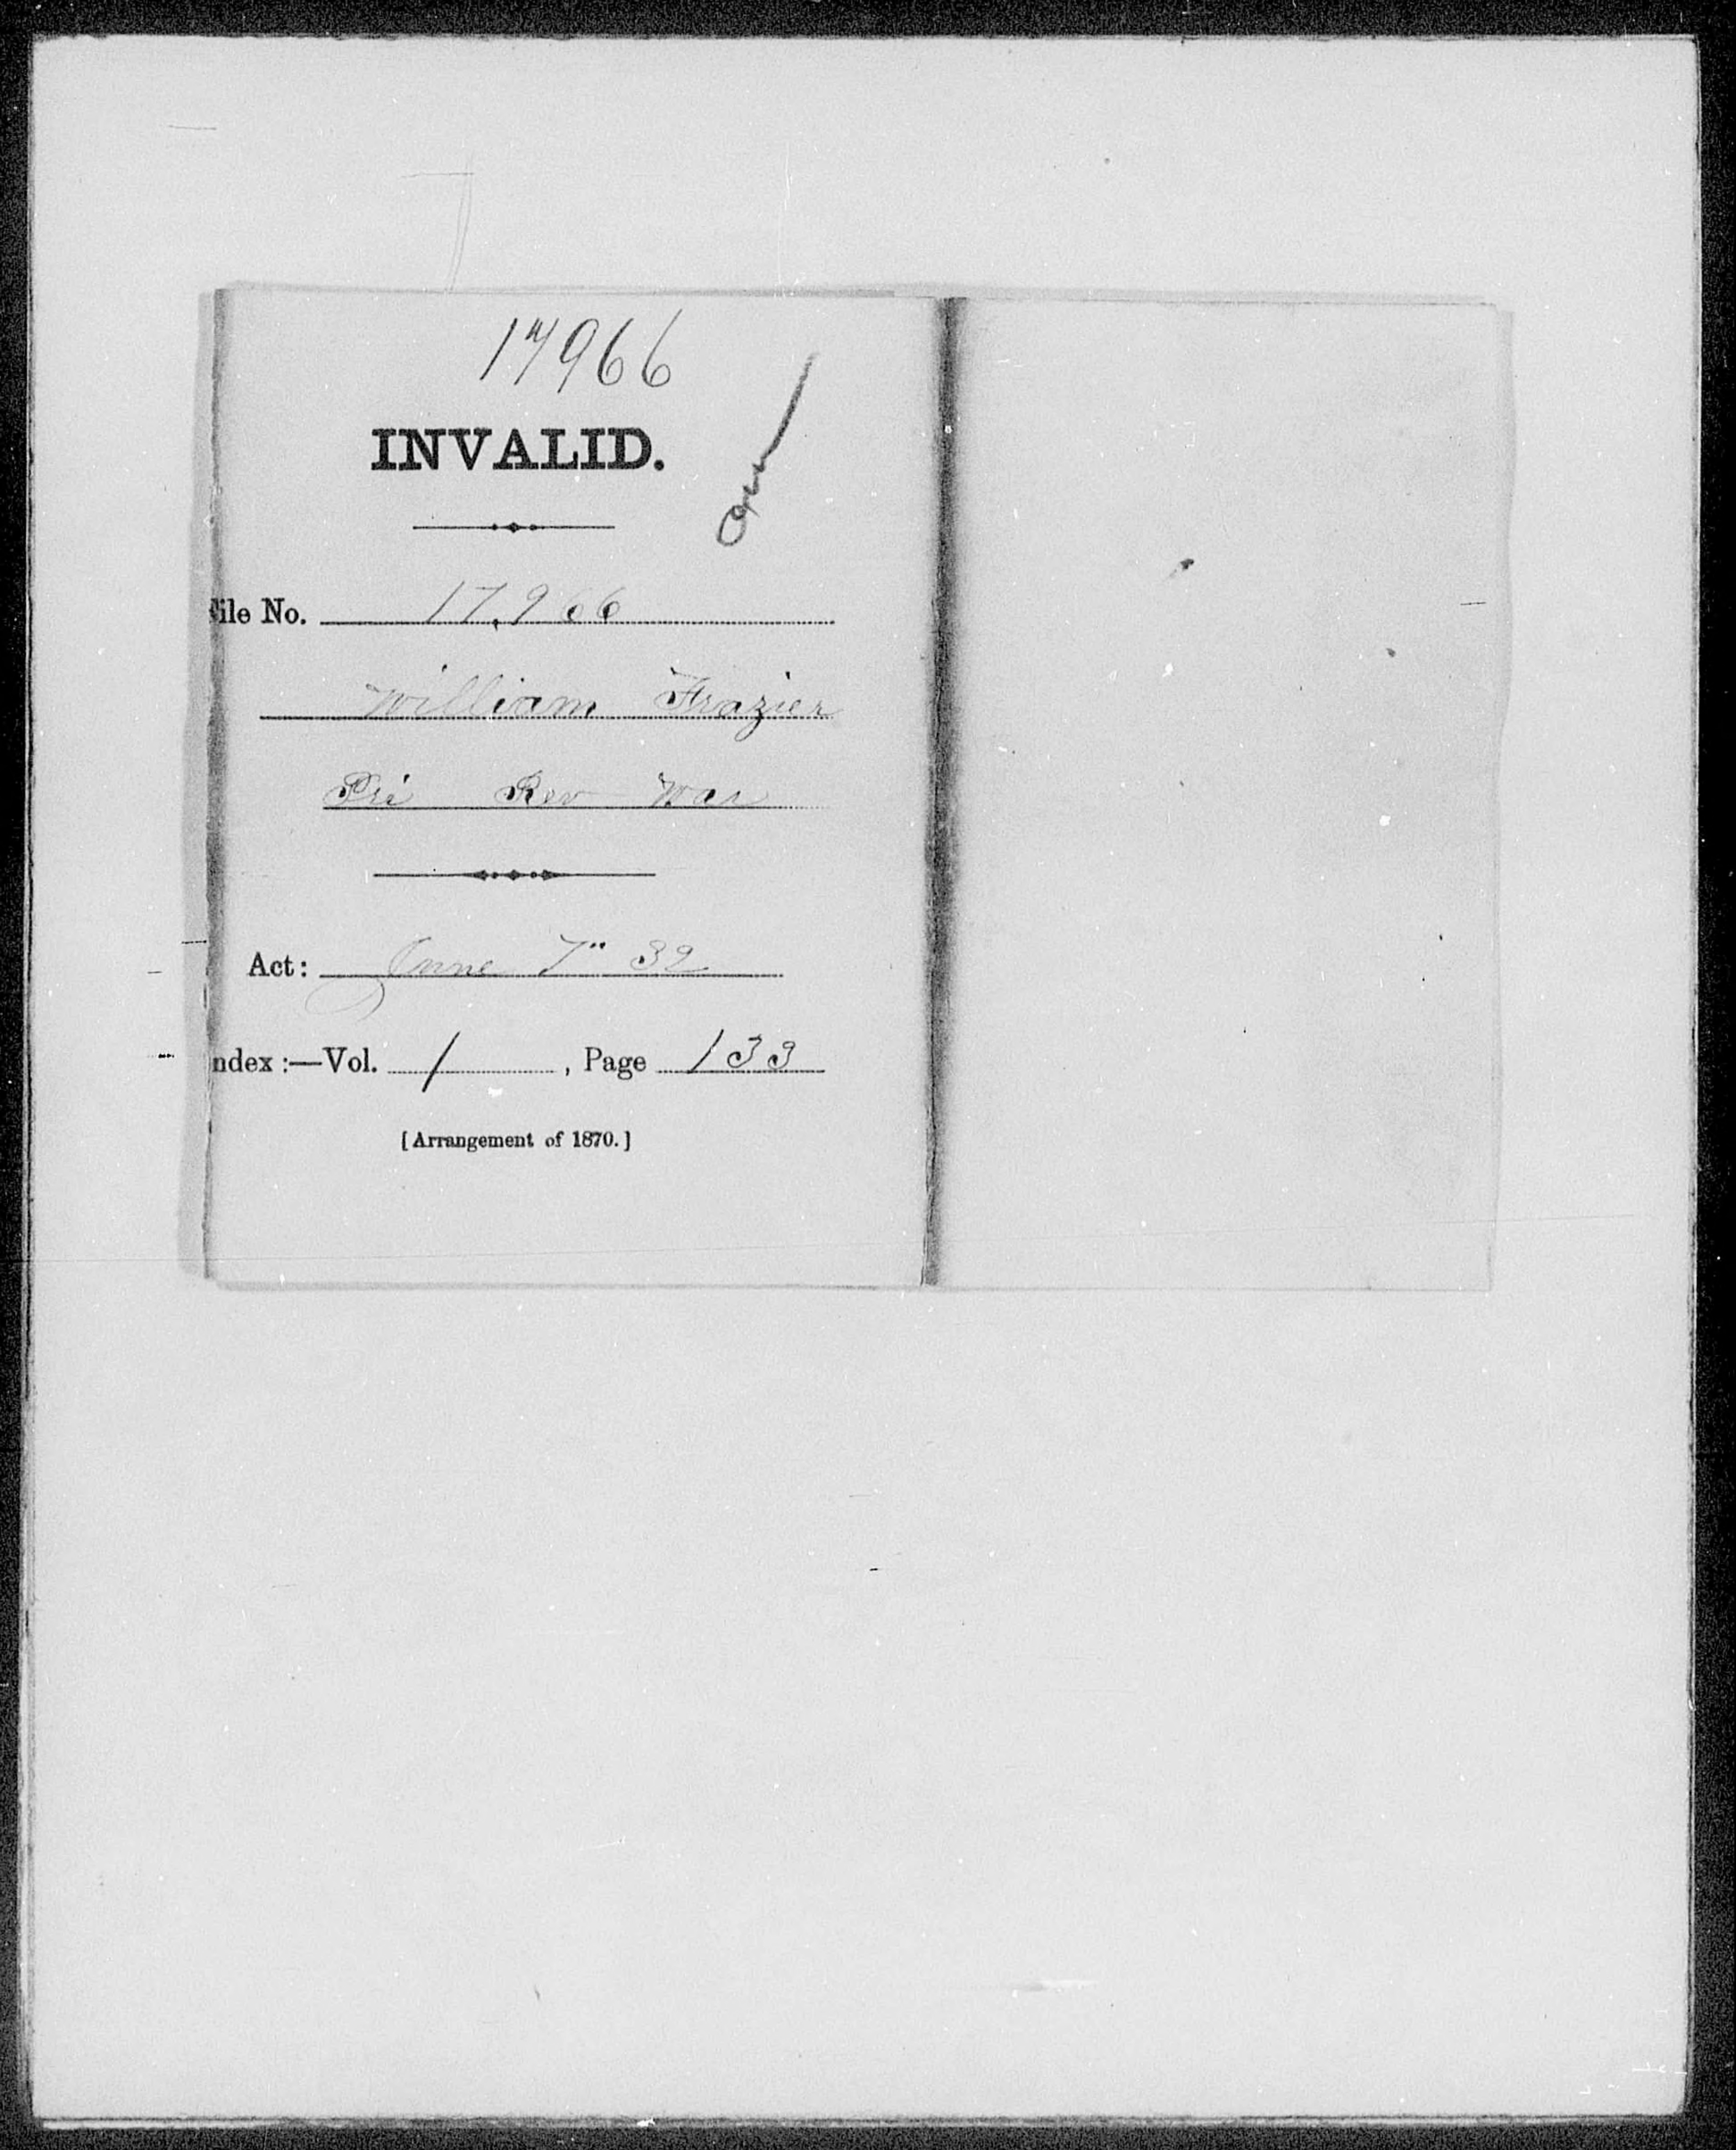17966 

INVALID. 

[Illegible writing alongside INVALID.] 

File No. 17.966 

William Frazier 

Pri Rev War 

Act: June 7" 32 

ndex:--Vol. 1, Page 133 

[Arrangement of 1870.]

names: William Frazier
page: 11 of 13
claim: survivor's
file: S. 17966, William Frazier, Va.